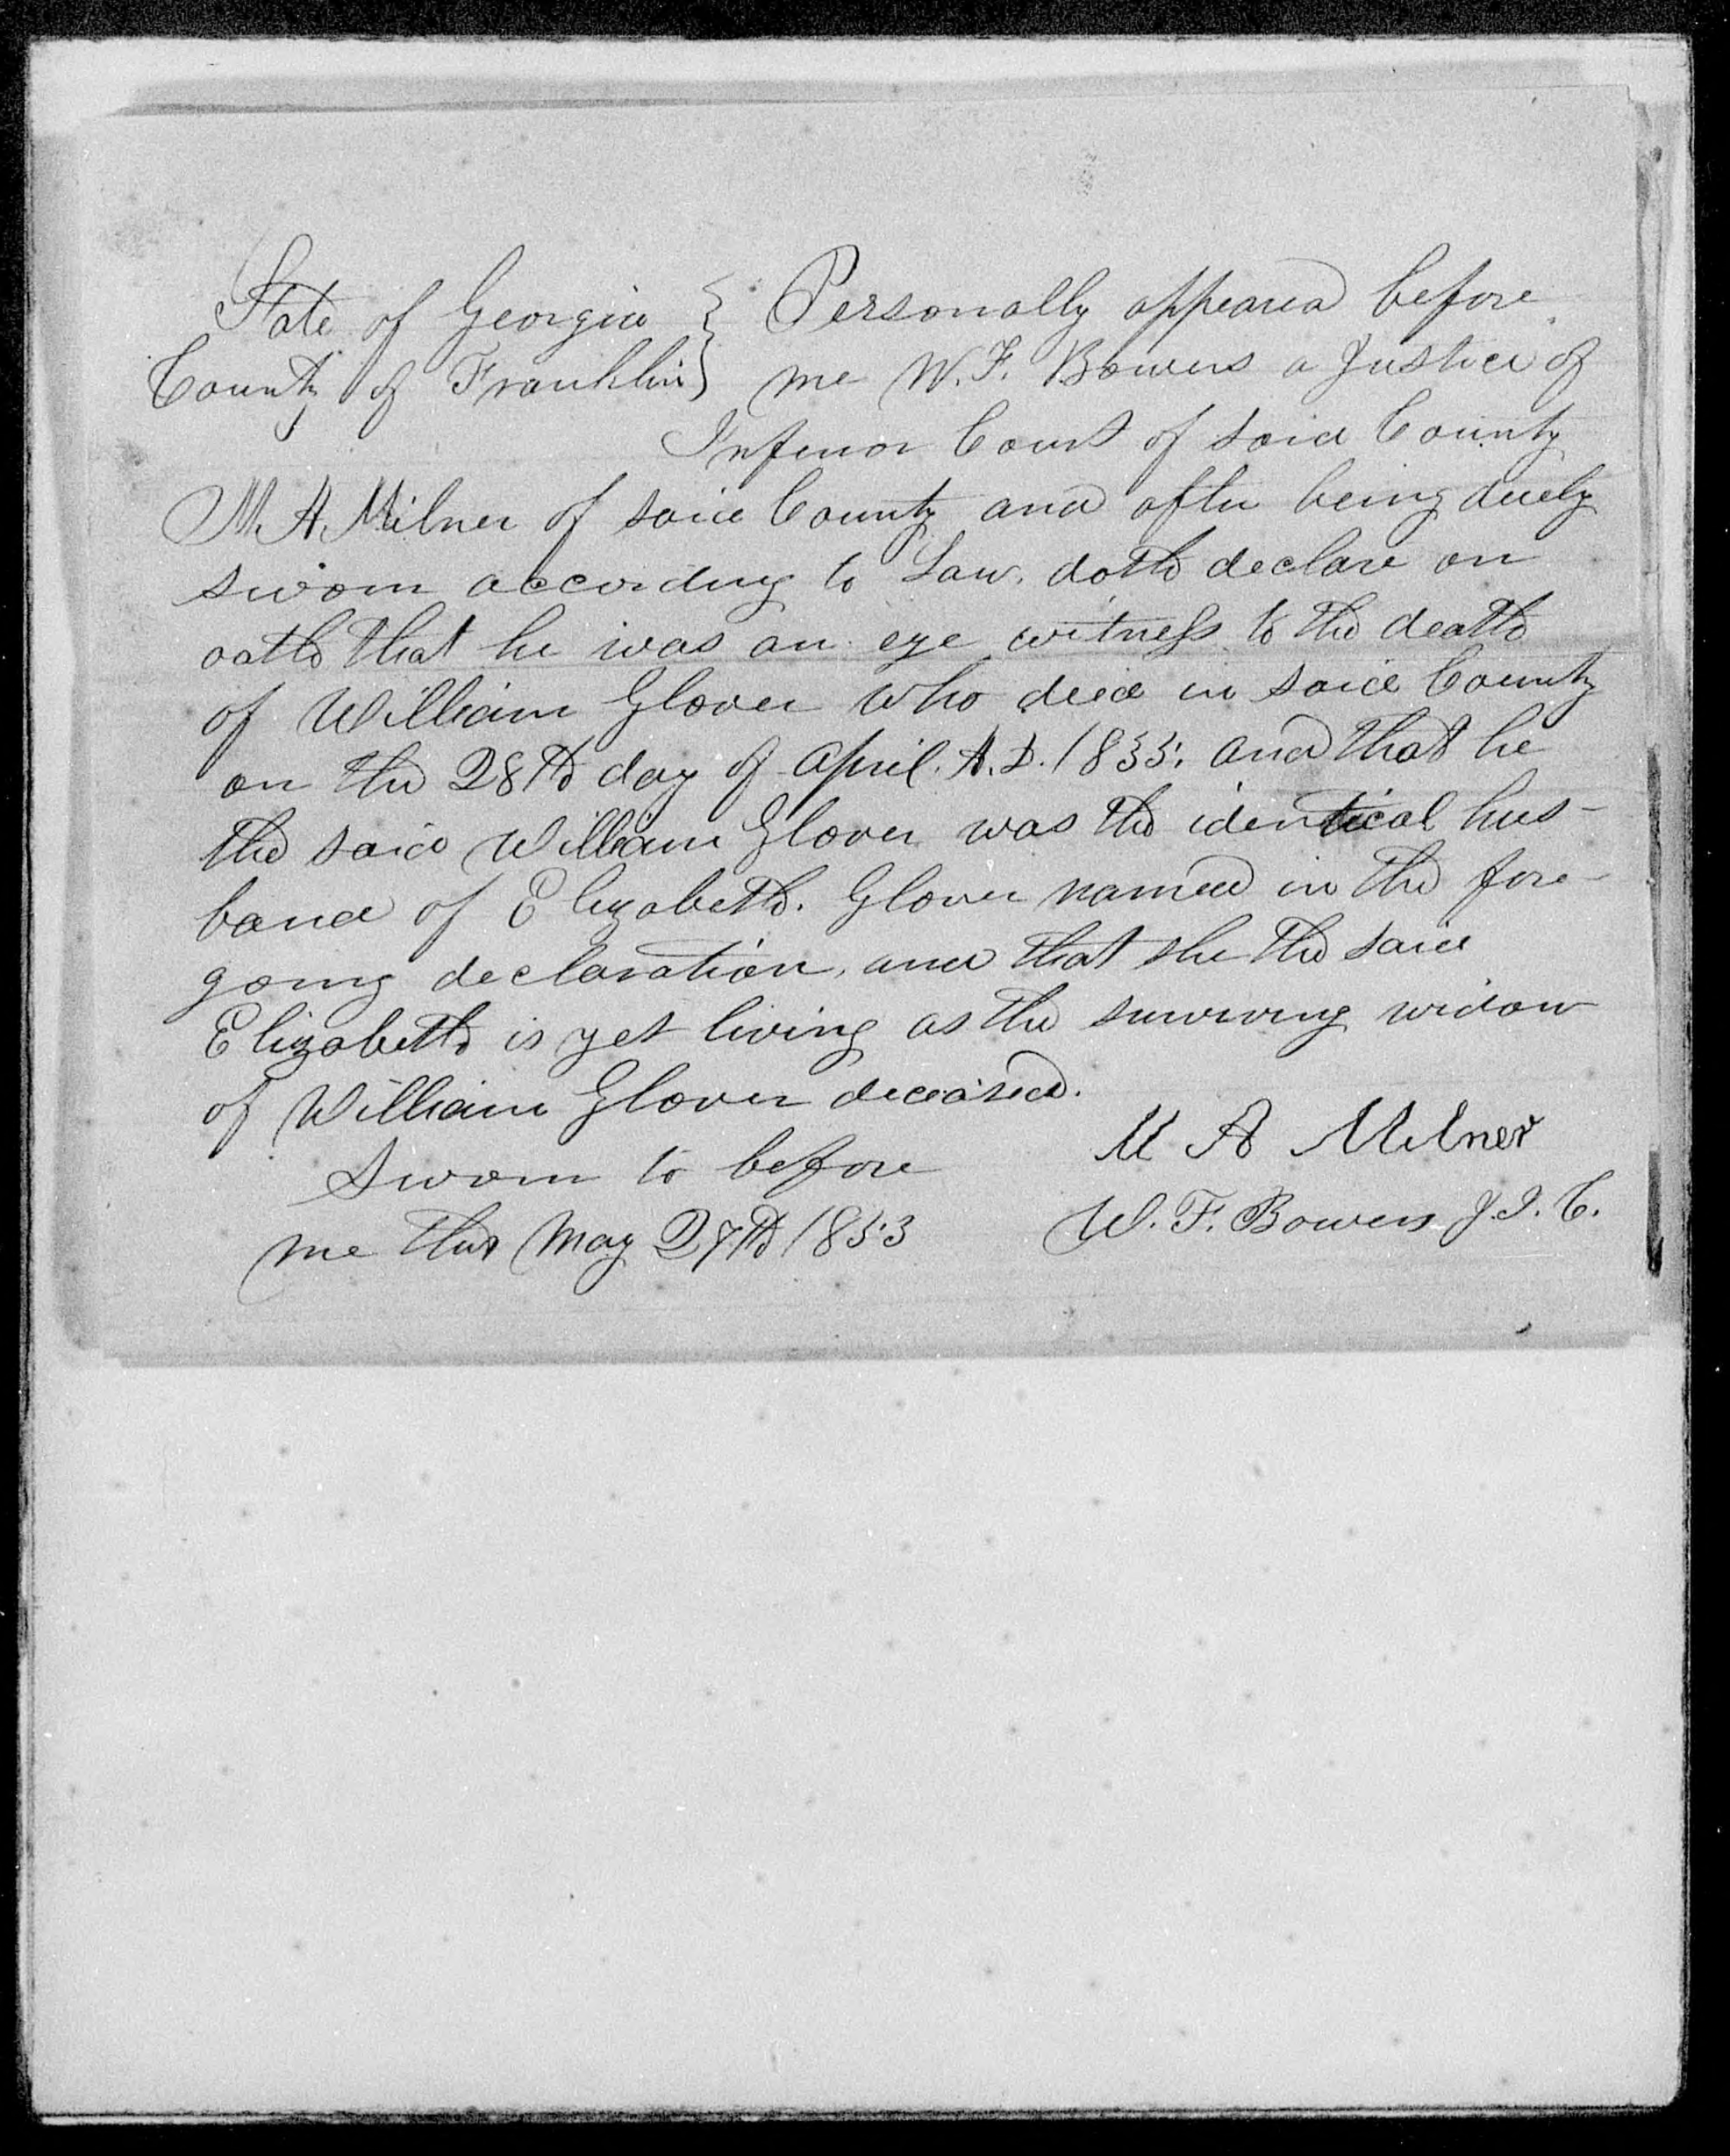State of Georgia}
County of Franklin}

Personally appeared before me W.F. Bowers a Justice of Inferior Court of said County M.A.                                                                                                                                                                  Milner of said county and after being duly sworn according to Law, doth declare on oath that he was an eye witness to the death of William Glover who died in said County on the 28th day of April A.D. 1833: and that he the said William Glover was the identical husband of Elizabeth Glover named in the foregoing declaration and that she the said Elizabeth is yet living as the surviving widow of William Glover deceased.

Sworn to before me this May 27th 1853

M A Milner
W.F. Bowers J.I.C.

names: W F Bowers, William Glover, Elizabeth Glover, M A Milner, Elizabeth, M A Milner, W F Bowers, William Glover, William Glover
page: 15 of 51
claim: widow's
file: W. 929, William Glover, N.C.